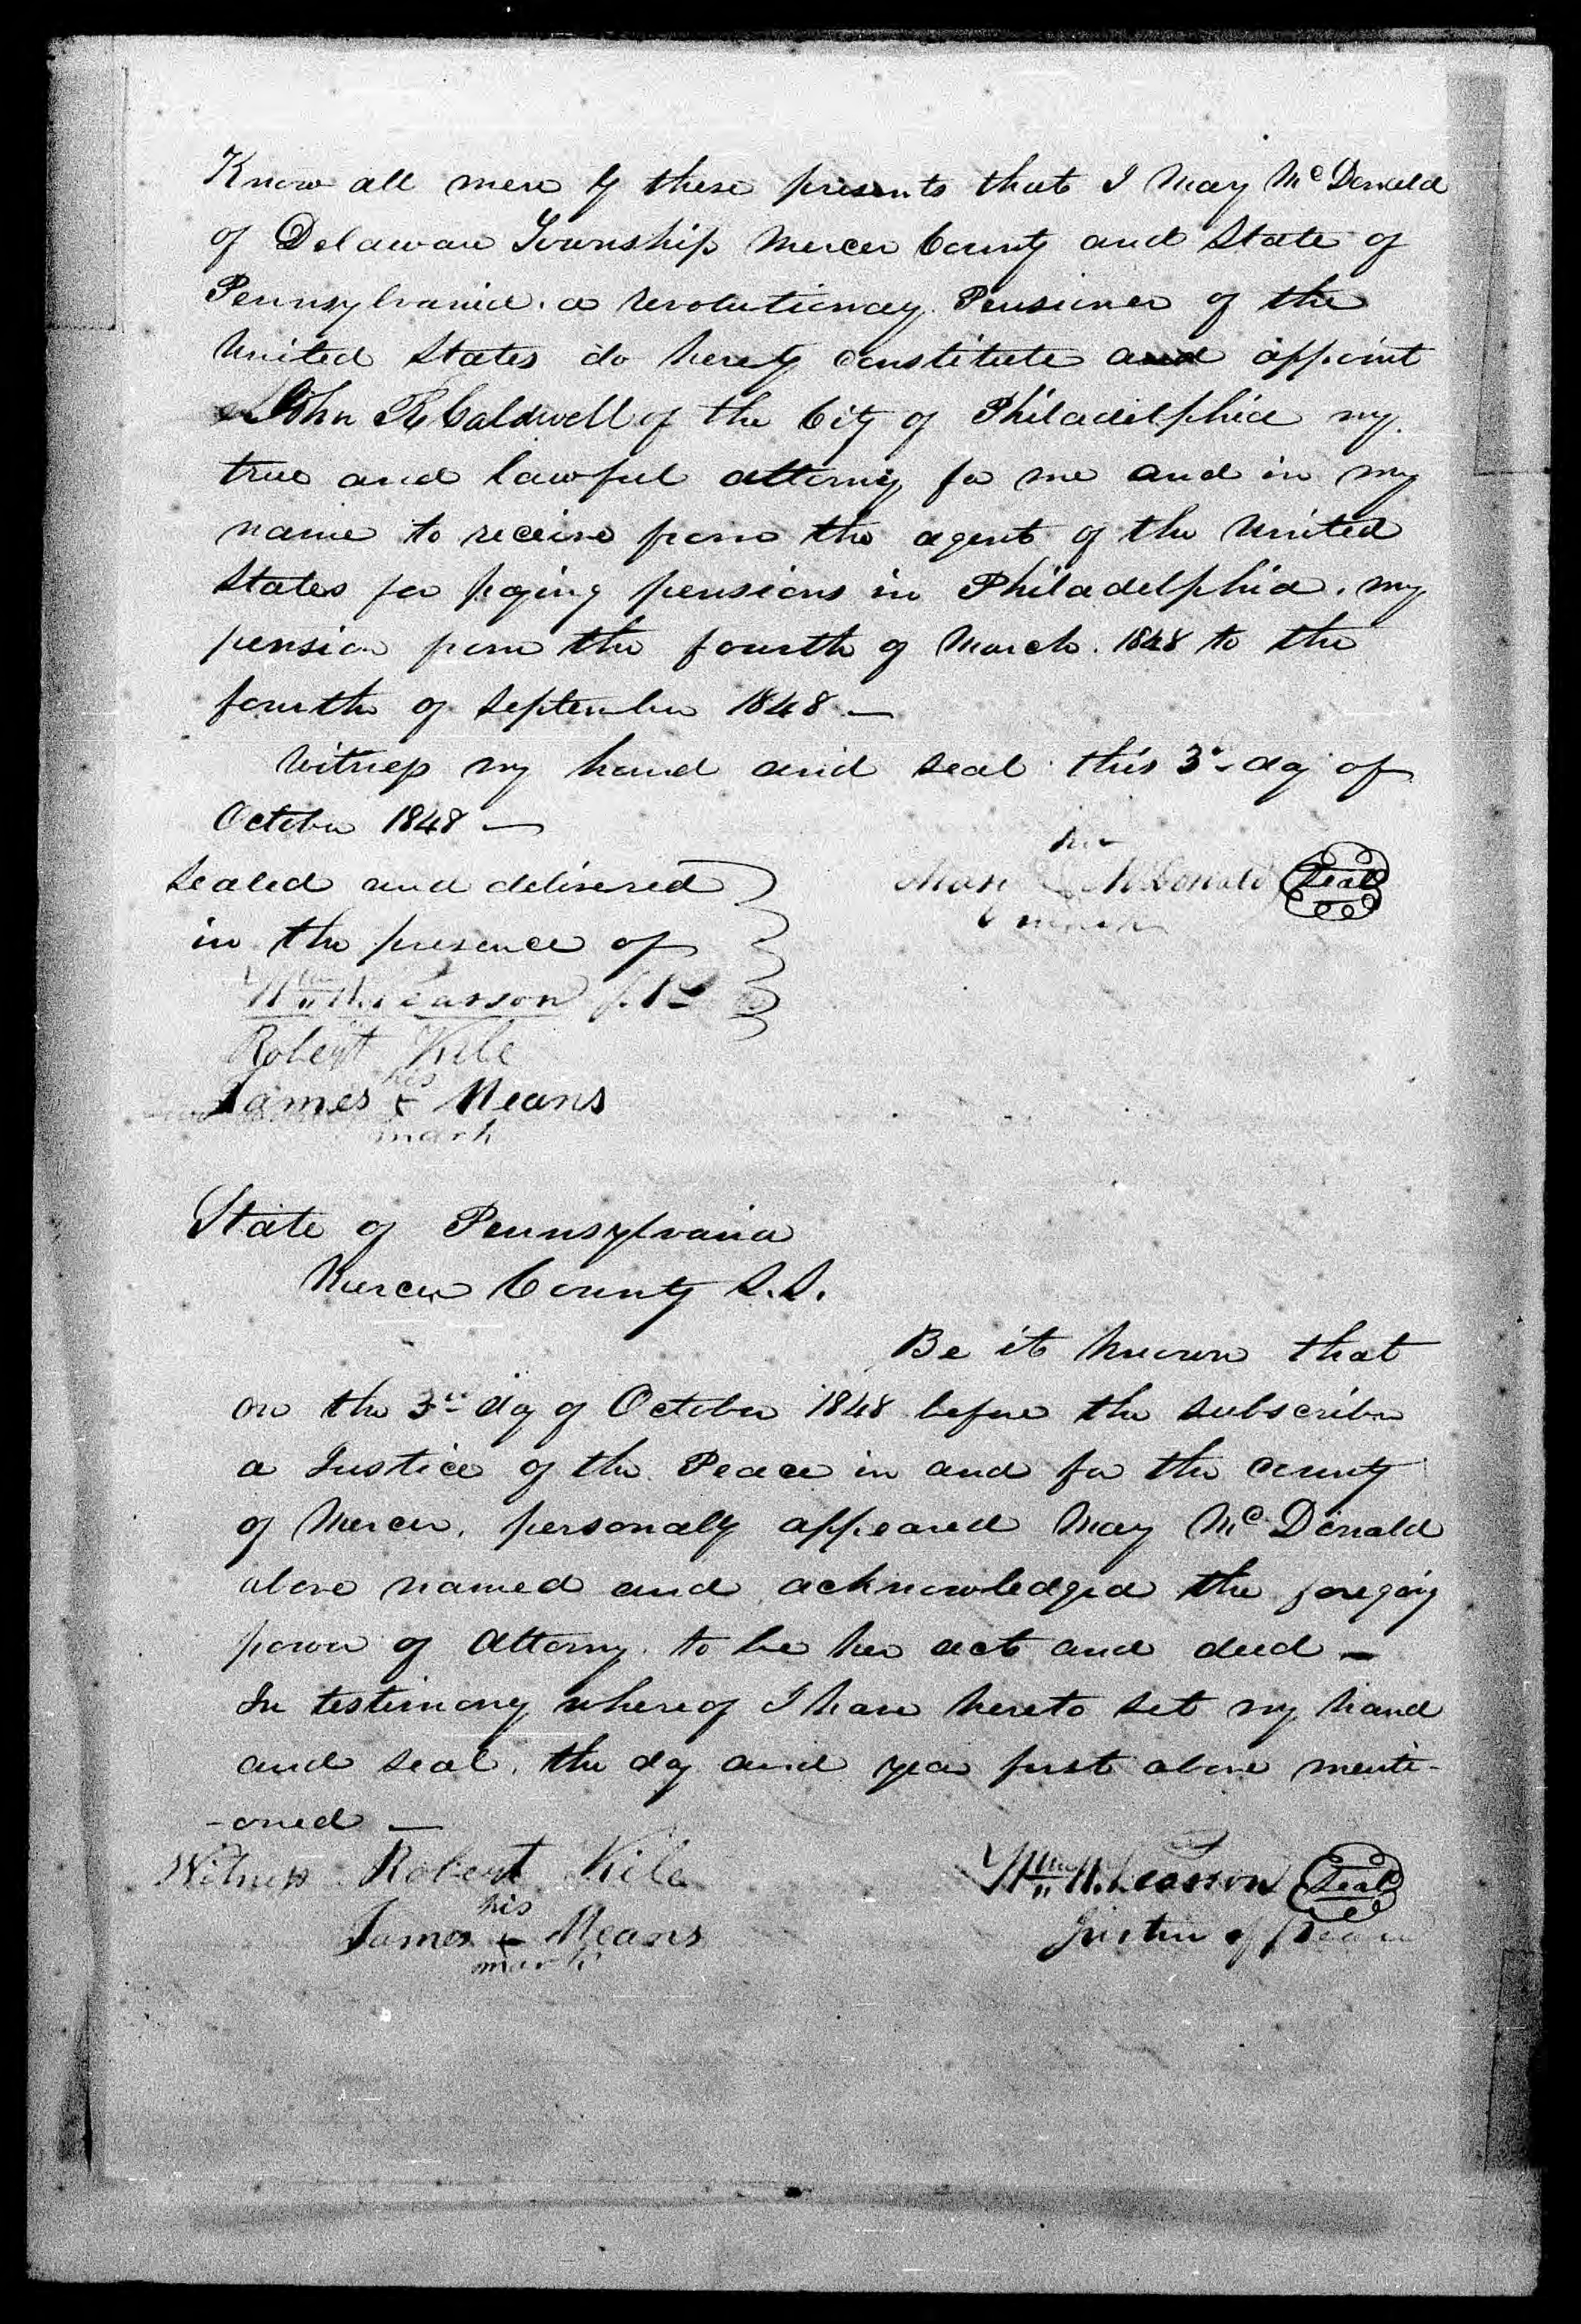Know all Men by these presents to that I Mary McDonald of Delaware Township Mercer County and State of Pennsylvania a revolutionary Pensioner of the United States do hereby constitute and efficient John R Caldwell of the City of Philadelphia my true and lawful attorney for me and in my name to receive pension the agent of the United States foregoing pensions in Philadelphia my pension from the fourth of March 1828 to the fourth of September 1848. Witness my hand and seal this 3rd day of October 1848
Sealed and delivered in the presence of (Junreadable
Robert Wile
James Means
Mary McDonald
State of Pennsylvania 
Mercer County S.S. 
Be it known that on the 3rd day of October 1848 before the subscriber a Justice of the Peace in and for the county of Mercer, personally appeared Mary McDonald above named and acknowledged the foregoing power of attorney to be her act and deed In testimony whereof I have hereto set my hand and seal the day and year just above mentioned.  Wm Leasson
Witness Robert Wiles
James Means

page: 48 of 59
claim: widow's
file: W 3703, for Robert Mc Donald, Pennsylvania